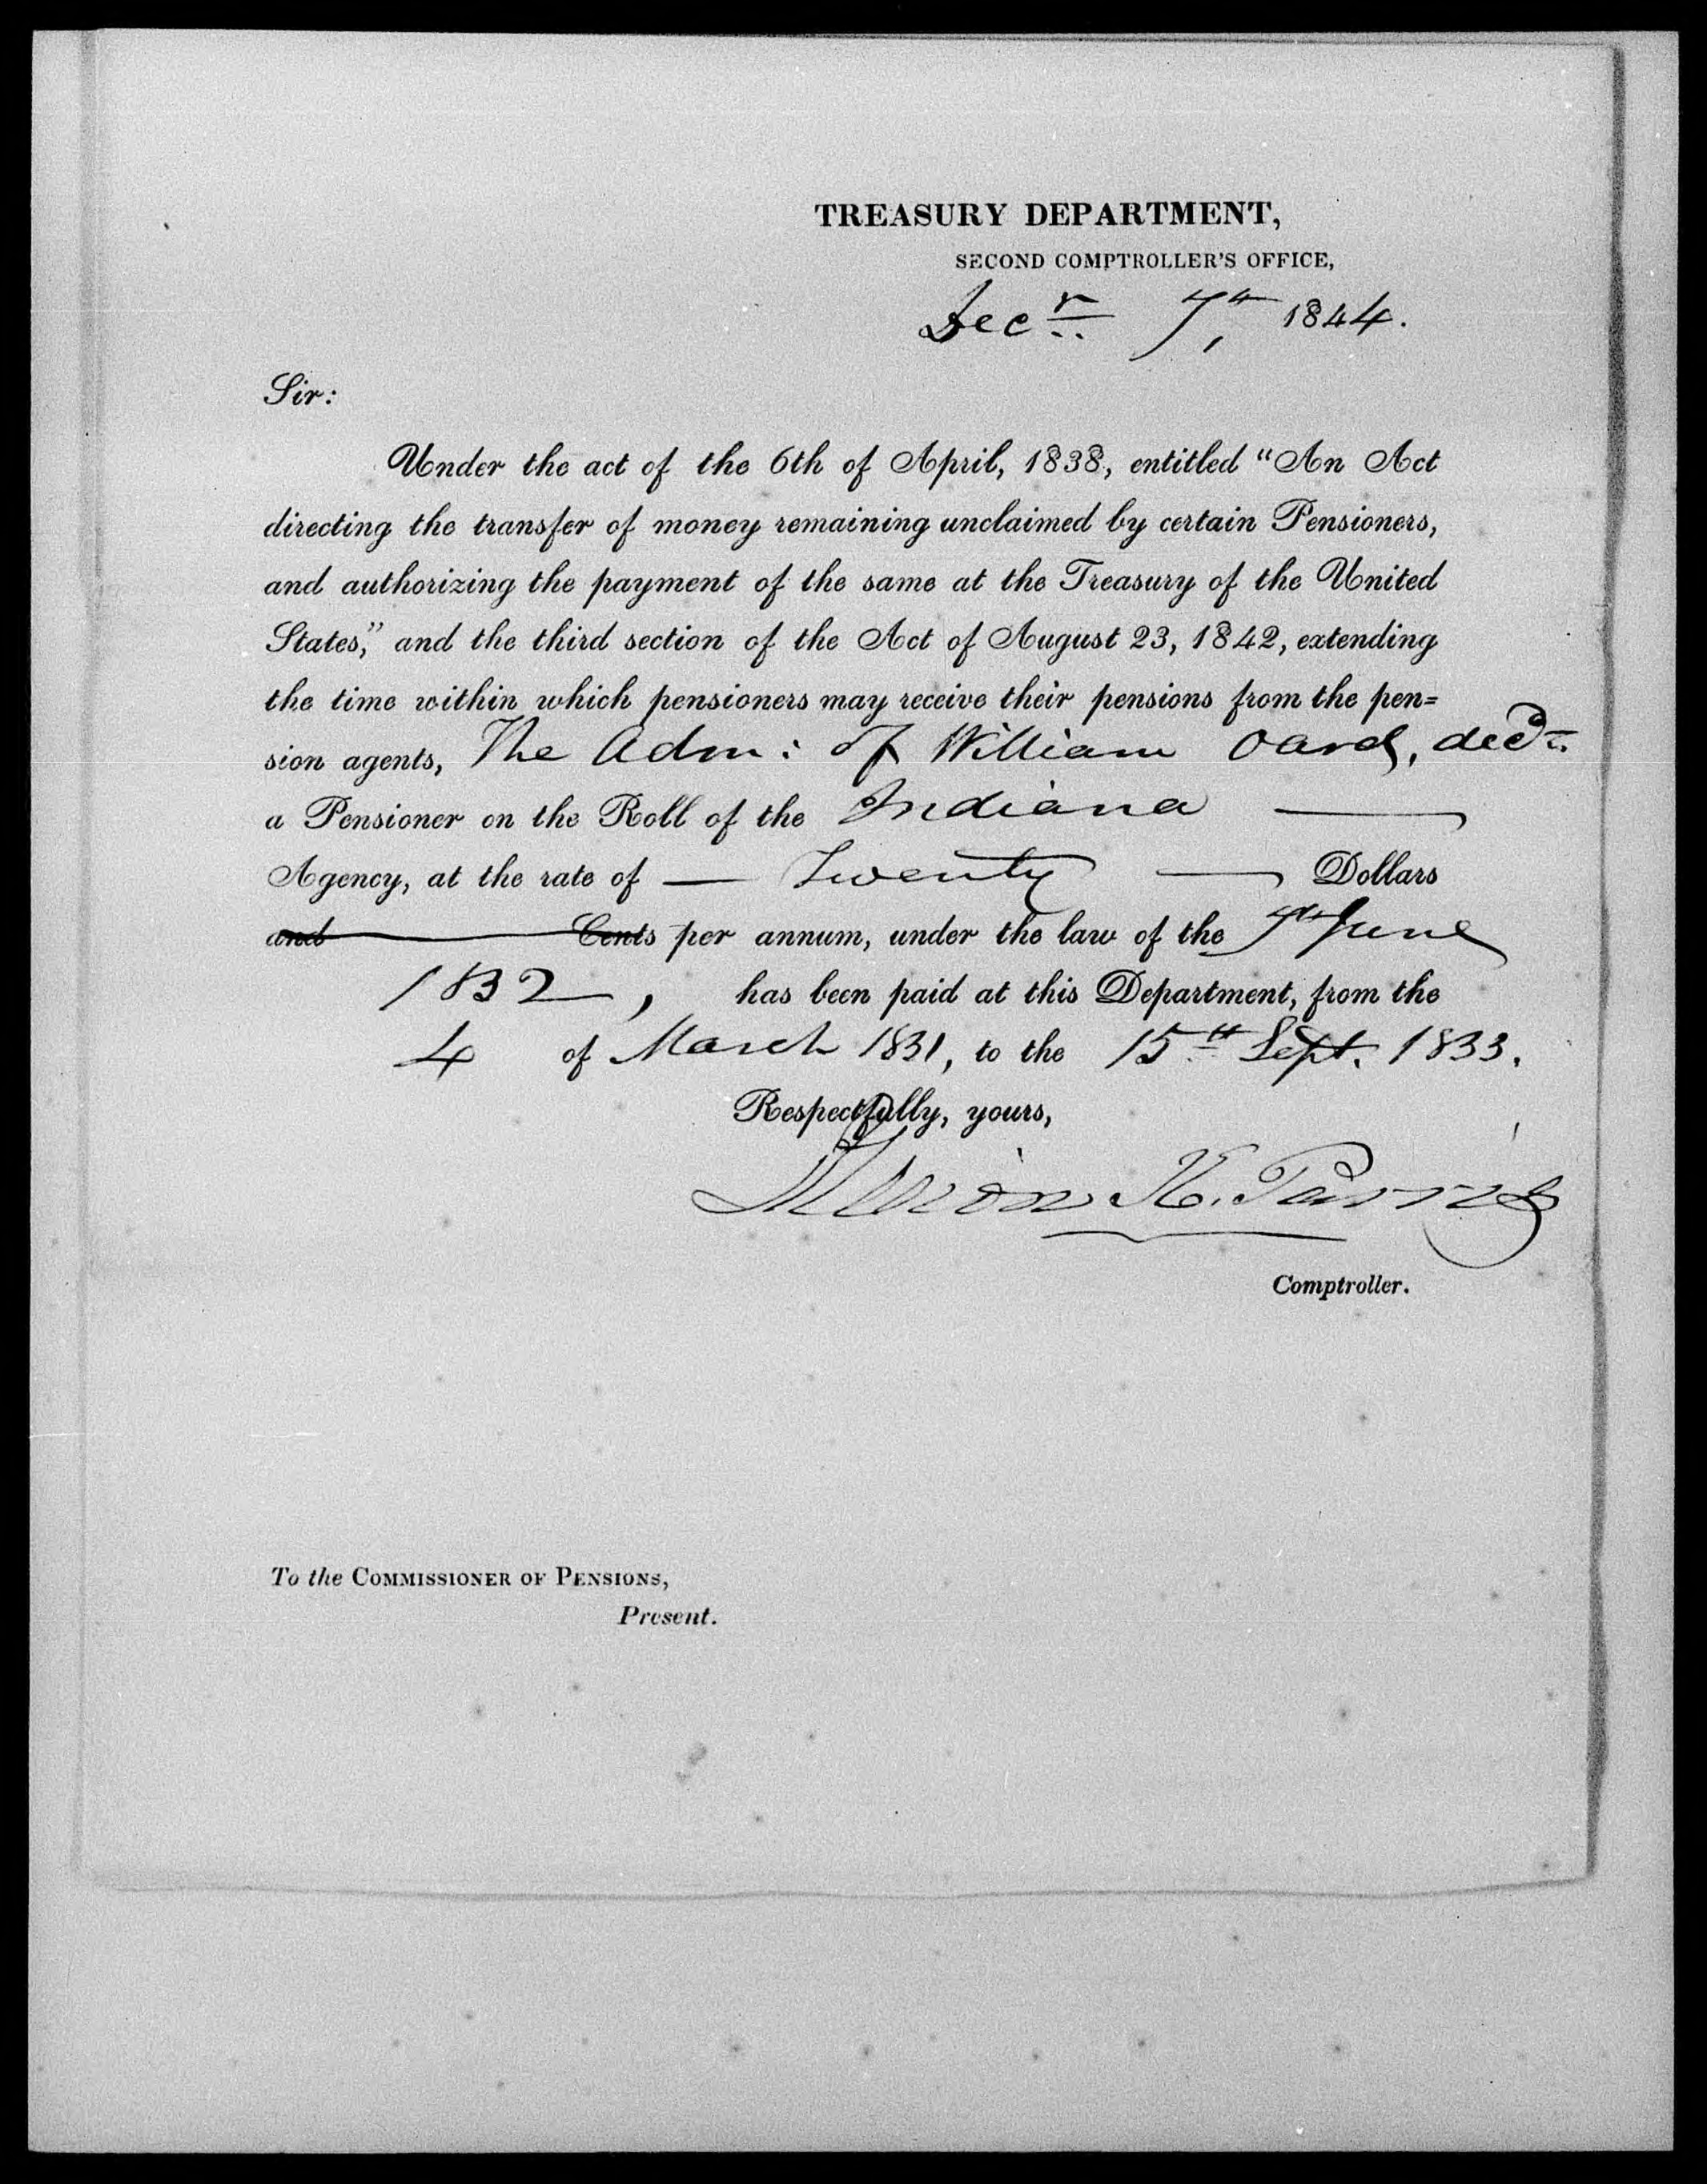Treasury Department
Second Comptroller's Office
Dec 7th 1844

Sir

Under the act of the 6th of April, 1838, entitled "An act directing the transfer of money remaining unclaimed by certain pensioners and authorizing the payment of the same at the Treasury of the United States" and the third section of the Act of August 23, 1842 extending the time within which pensioners may receive their pensions from the pension agents, The Adm: of William Oard dec'd a pensioner on the roll of the Indiana Agency at the rate of Twenty dollars per annum under the law of the 7th June 1832 has been paid at this Department from the 4 of March 1831 to the 15th Sept 1833.

Respectfully yours

Albion K Parris
Comptroller

To the Commissioner of Pensions
Present.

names: Albion K Parris; William Oard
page: 3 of 18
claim: survivor's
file: S. 16,496, for William Oard, Maryland